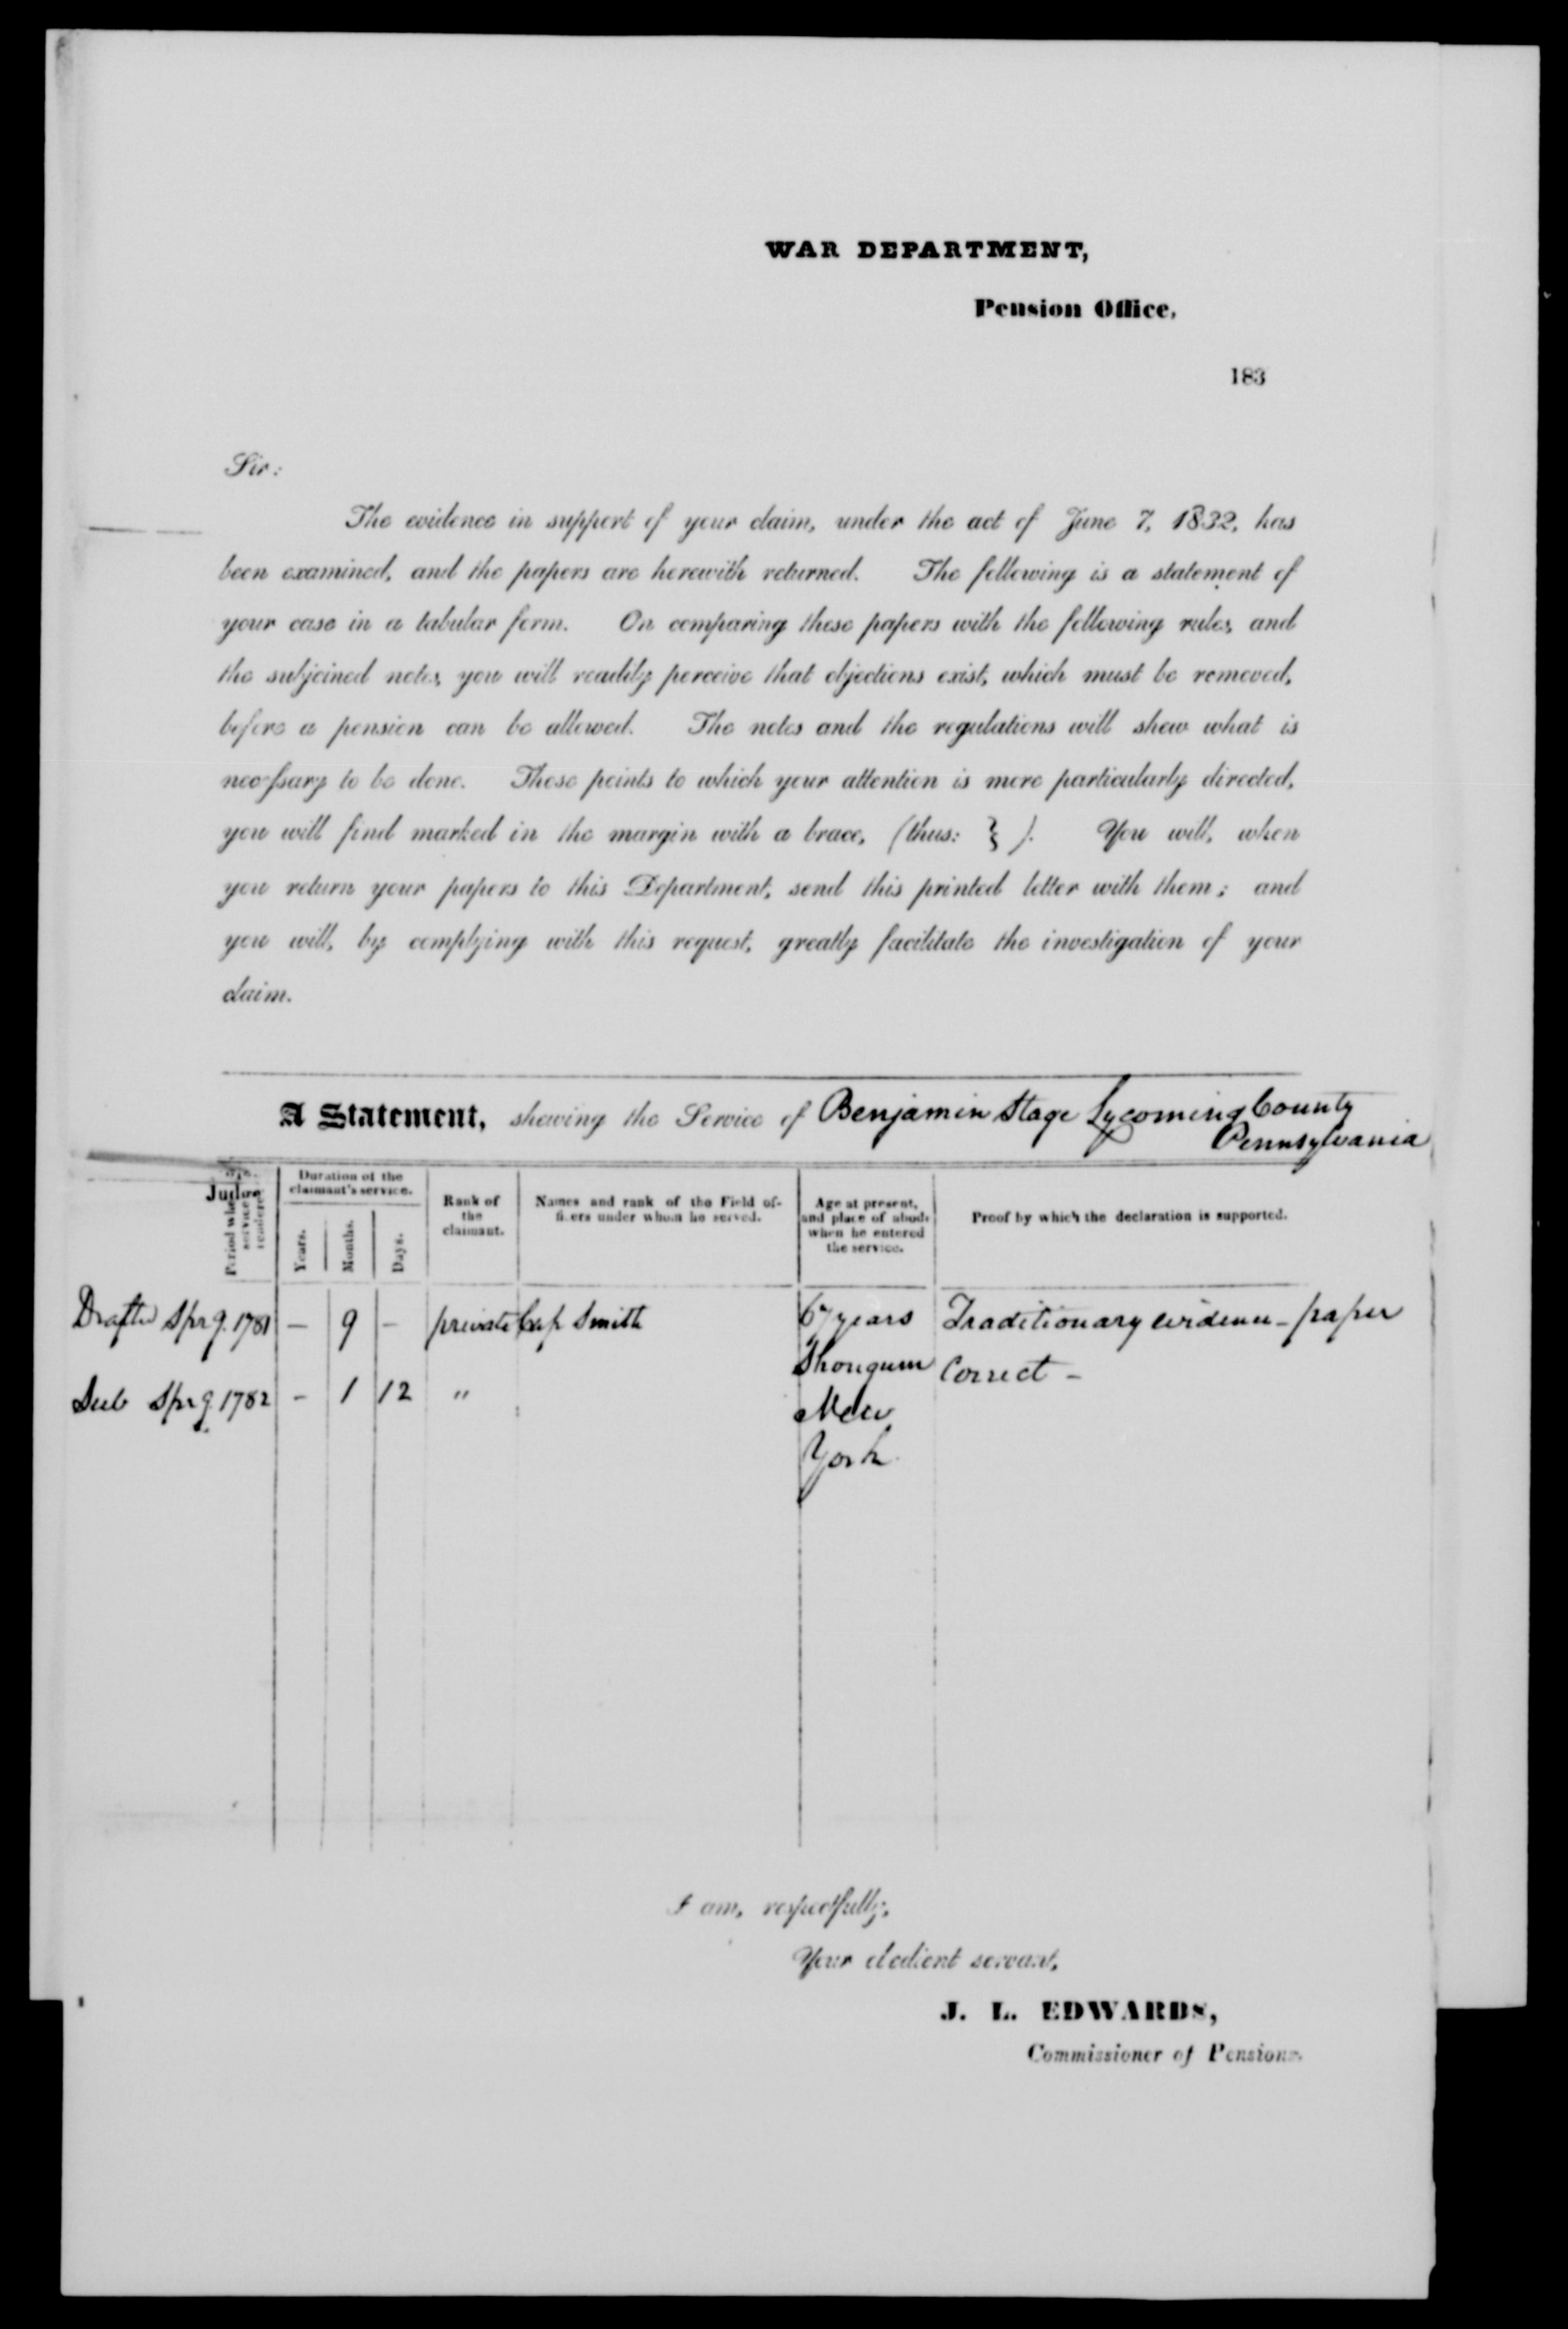WAR DEPARTMENT. 
Pension Office, 
183

Sir:
The evidence in support of your claim, under the act of June 7, 1832, has been examined, and the papers are herewith returned. The following is a statement of your case in a tabular form. On comparing these papers with the following rules, and the subjoined notes, you will readily perceive that objections exist, which must be removed, before a pension can be allowed. The notes and the regulations will shew what is necessary to be done. Those points to which your attention is more particularly directed, you will find marked in the margin with a brace, (thus: }). You will, when you return your papers to this Department, send this printed letter with them; and you will, by complying with this request, greatly facilitate the investigation of your claim. 
A Statement, shewing the service of Benjamin Stage Lycoming County Pennsylvania

[BEGIN TABLE]
Period when the service was rendered  |  Duration of the service Years. Months. Days.  |  Rank of the claimant.  |  Names and Rank of the Field officers under whom he served.  |  Age at present, and place of abode when he entered the service.  |  Proof by which the declaration is supported.  |
Drafted Sprg. 1781  |  9 Months.  |  private  |  Cap Smith  |  67 years Shongum [Shawangunk] New York  |  Traditionary evidence – paper correct -  |
Sub Sprg. 1782  |  1 Month 12 Days.  |  private  |    |    |    |
[END TABLE]

I am, respectfully 
Your obedient servant,
J. L. EDWARDS,
Commissioner of Pensions.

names: J L Edwards; Benjamin Stage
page: 9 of 23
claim: survivor's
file: S. 23008, for Benjamin Stage, New York